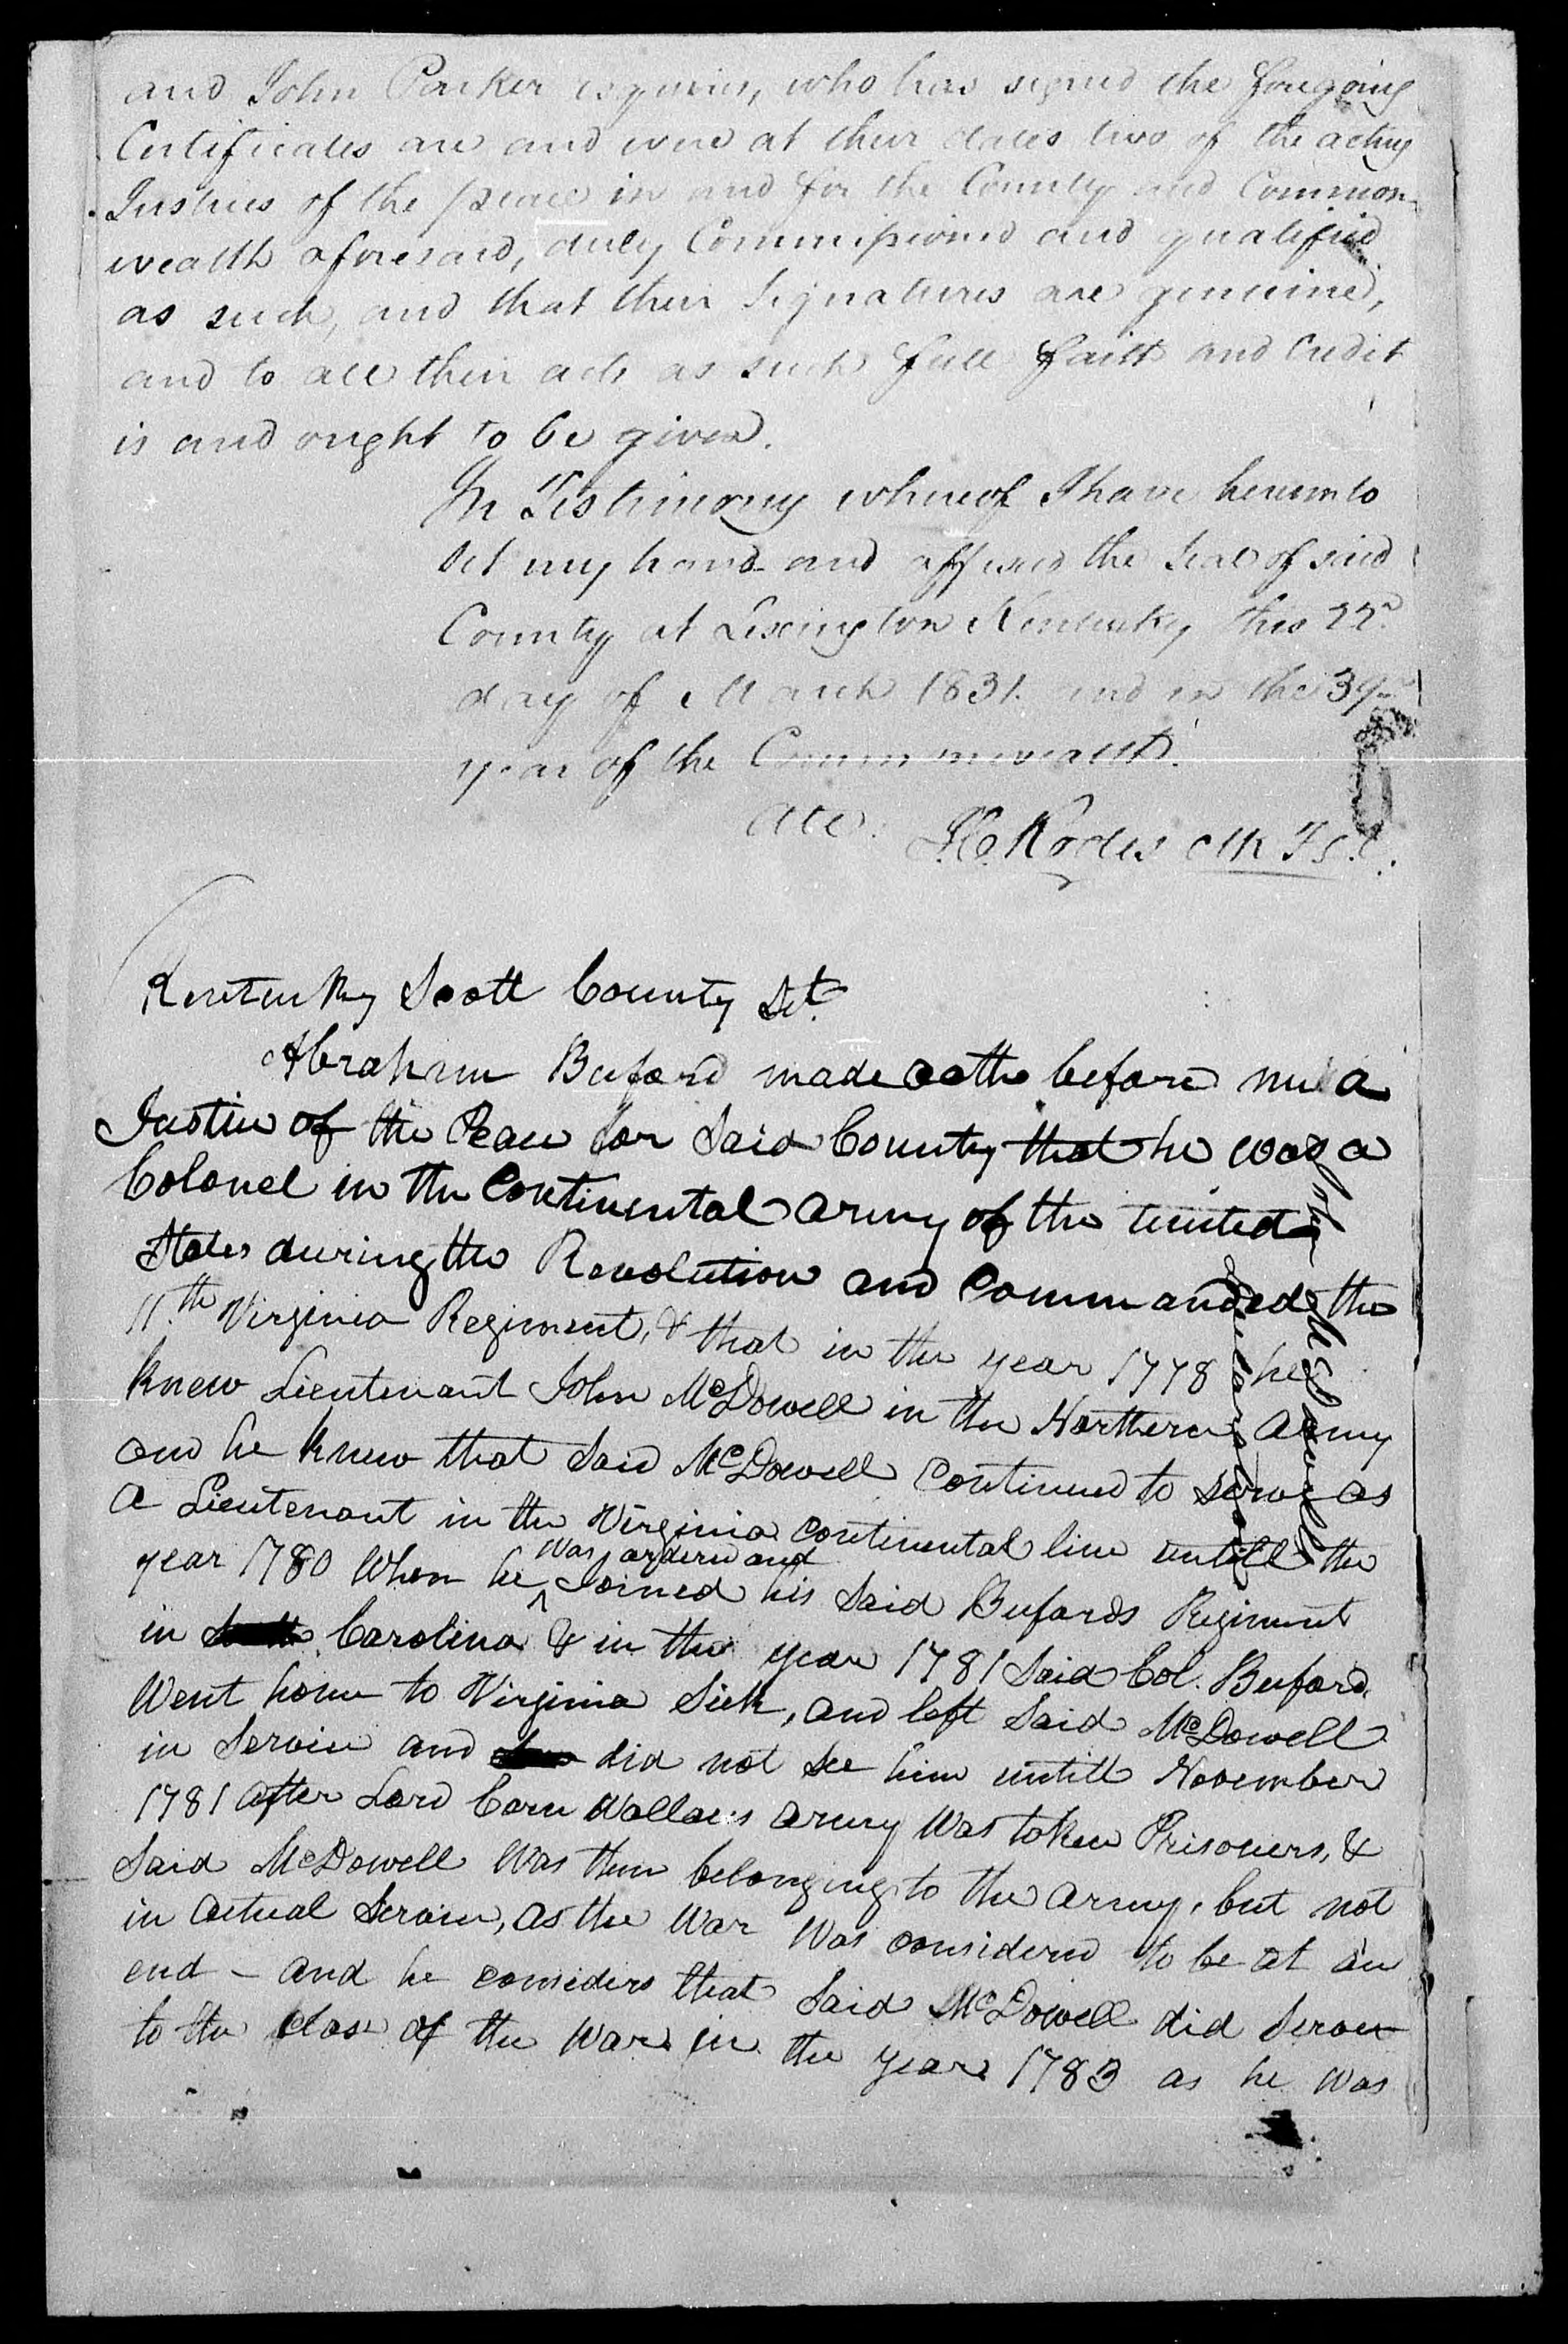and John Parker ]illegible], who has signed the foregoing
certificates are and were at their [illegible] two of the acting
Justices of the Peace in and for the county said Common-
wealth aforesaid, duly commissioned and qualified as
such, and that their signatures are genuine,
and to all their acts as such, full faith and credit
is and ought to be given.
In testimony whereof I have hereunto
set my hand and affixed the seal of said
County at Lexington Kentucky this 22nd
day of March 1831. and in the 39th
year of the Commonwealth.
(signature of H Rodes )

Kentucky Scott County  ss.
Abraham Buford made oath before me, a
Justice of the Peace [illegible] said county that he was a
Colonel in the Continental Army of the United
States during the Revolution and commanded the
11th Virginia Regiment. & that in the year 1778 he
knew Lieutenant John McDowell in the Hartherer Army
and he knew that said McDowell continued to serve as
a Lieutenant in the Virginia Continental line until the
year 1780. When he was ordered and joined his said
Bufords Regiment in Carolina & in the year 1781 said Col. 
Buford went home to Virginia sick, and left said McDowell
in service and did not see him until November
1781 after Lord Corn Wallace's army was taken prisoners& said McDowell was there belonging to the army, but not
in actual service, as the war was considered to be at an
end--and he considers that said McDowell did service
to the close of the was in the year 1783 as he was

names: J C Rodes; John Mc Dowell; Abraham Buford; John Parker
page: 10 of 47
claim: survivor's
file: S. 30578, for John Mc Dowell, Virginia